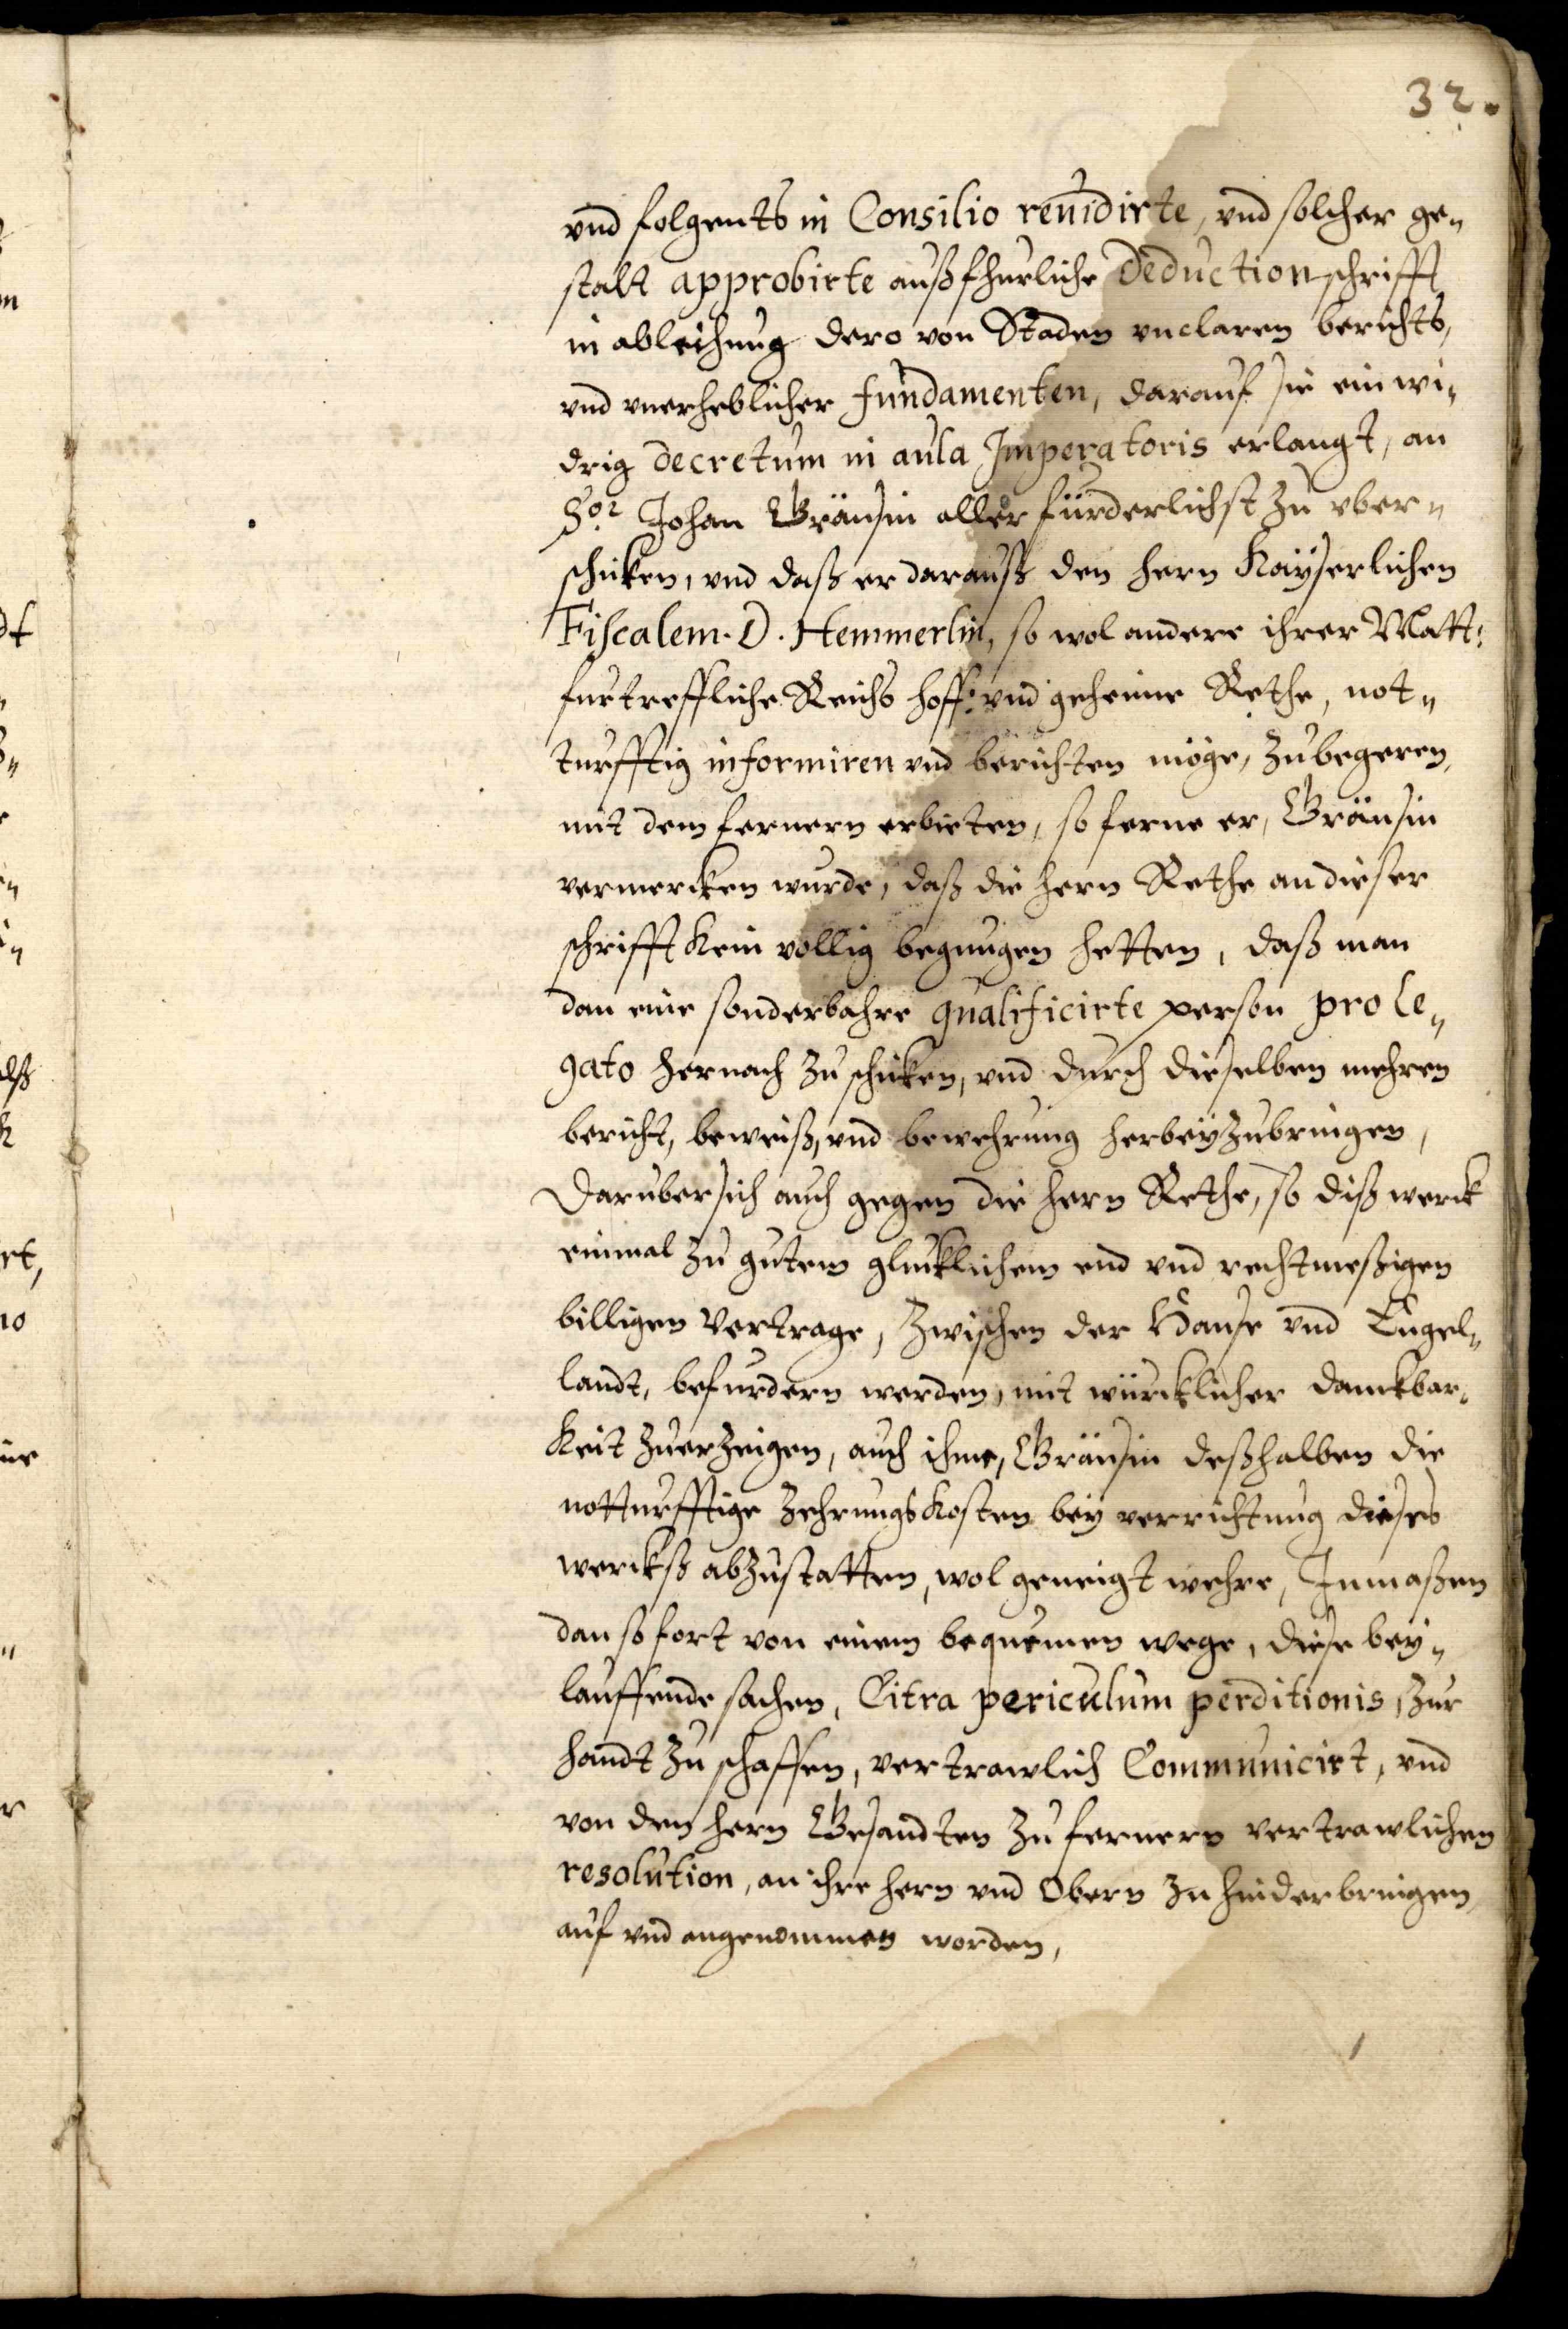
32.
vnd folgents im Consilio reuidirte, vnd solcher ge¬
gestalt approbirte außfhurliche Deductionschrifft
in ableihung dero von Staden vnclaren berichts,
vnd vnerheblicher fundamenten, darauf sie ein wi¬
drig decretum in aula Impresatoris erlangt, an
S.or Johan Bräunsin aller fürderlichst zu vber¬
schicken, vnd daß er darauß den hern kaijserlichen
Fiscalem. D. Hemmerlin, so wol andere ihrer Matt:
furtreffliche Reichs hoff: vnd geheime Rethe, not¬
turfftig informiren vnd berichten möge, zubegeren,
mit dem ferneren erbieten, so ferne er, Bräunsin
vermercken wurde, daß die hern Rethe an dieser
schrifft kein wollig begnugen hetten, daß man
dan eine sonderbahre qualificirte person pro le¬
gato hernach zu schicken, vnd durch dieselben mehren
bericht, beweiß, vnd bewehrung herbeijzubringen,
daruberlich auch gegen die hern Rethe, so diß werck
einmal zu gutem glucklichem end vnd rechtmeßigen
billigen Vertrage, zwischen der Hanse vnd Engel¬
landt, befurdern werden, mit würcklicher danckbar¬
keit zuerbringen, auch ihme, Bräusin deßhalben die
notturfftige Zehrungskosten beij verrichtung dieses
werckß abzustatten, wol geneigt wehre, Inmaßen
dan sofort von einem bequemen wege, diese beij¬
lauffende Sachen, Citra periculum perditionis, zur
handt zu schaffen, vertrawlich communicirt, vnd
von den hernGesandten zu ferneren vertrawlichen
resolution, an ihre hern vnd Obern zu hinderbringen,
auf vnd angenommen worden,
